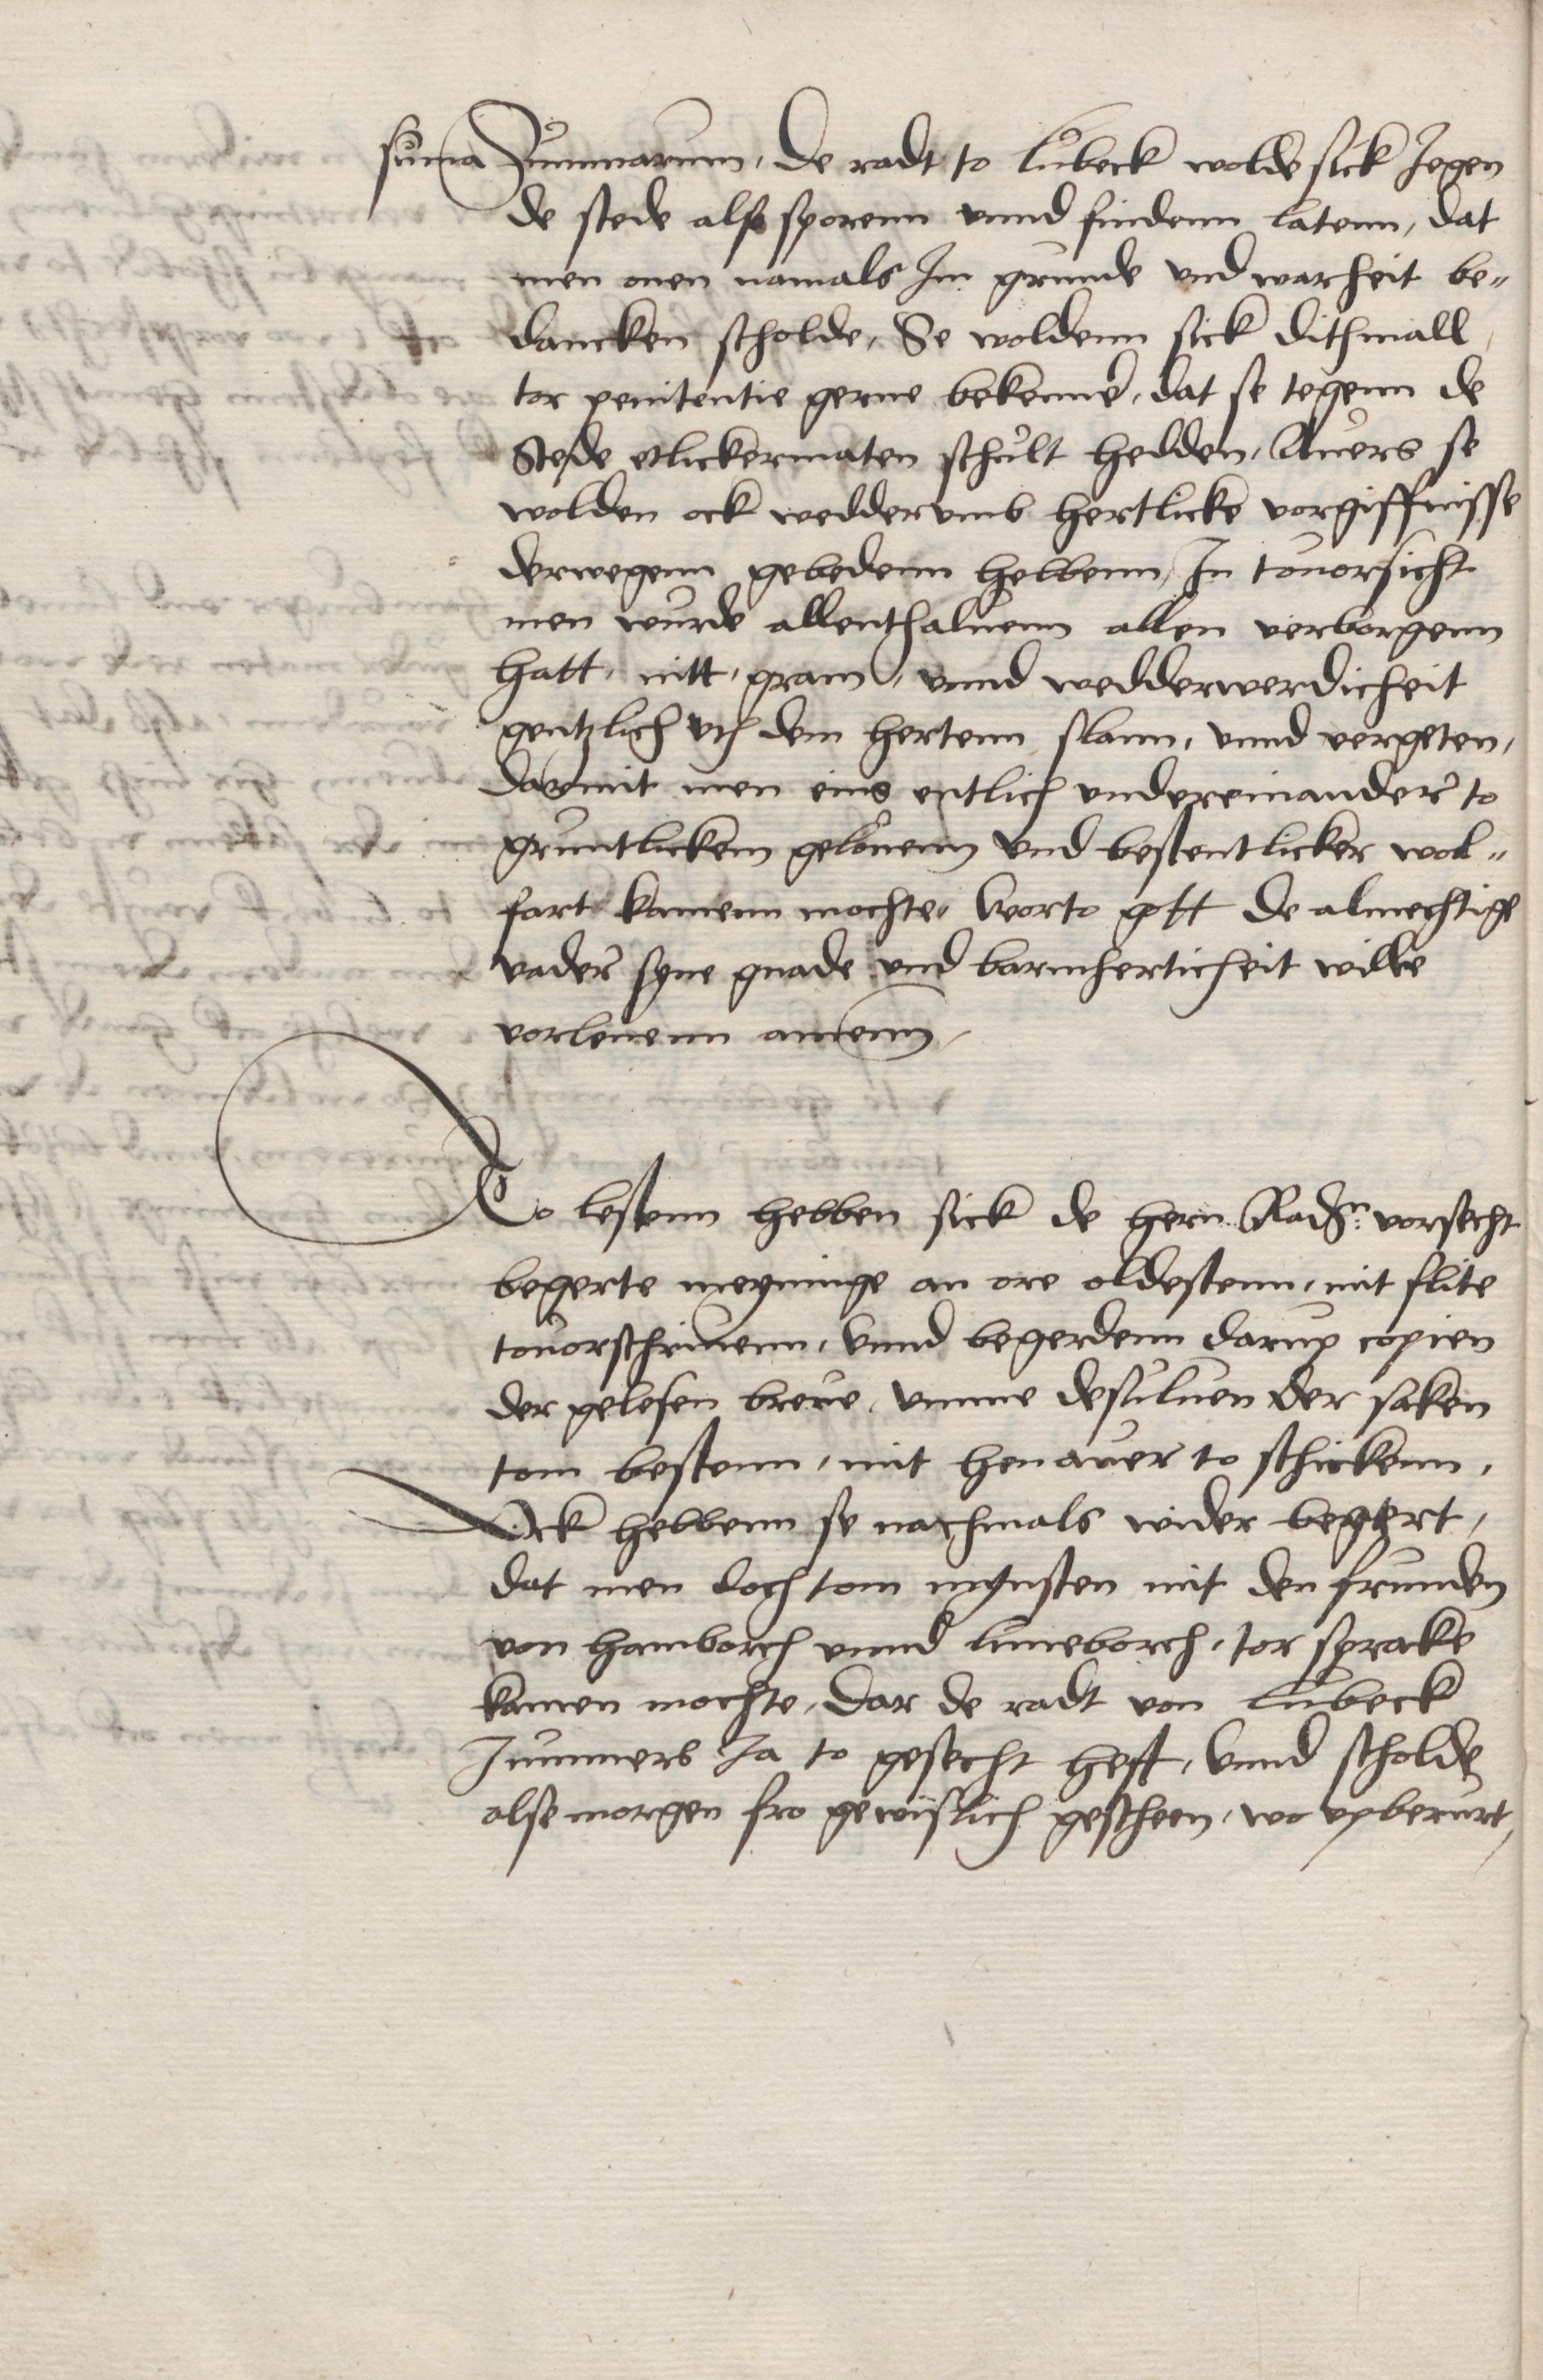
suma Summarum, de radt to Lubeck wolde sick jegen
de stede also sporenn vnnd findenn latenn, dat
men onen namals im grunde vnd warheit be¬
dancken scholde, Se woldenn sick dithmall,
tor penitentie gerne bekennen, dat se togenn de
stede etlickermaten schult hedden, Auers se
wolden ock weddervmb hertlicke vorgiffnisse
derwegenn gebedenn hebbenn, In touorsicht
men wurde allenthaluenn allen verborgenn
hatt, nitt, gram vnnd wedderwerdicheit
gentzlich vth dem hertenn slann, vnnd vergeten,
darmit men eins entlich vndereinander to
gruntlickem gelouenn vnd bestentlicker wol¬
fart kamenn mochte worto gott de almechtige
vader syne gnade vnd barmherticheit wille
vorlenenn amenn,
To lestenn hebben sick de hern Radessendeboden vorsecht
begerte meyninge an ore oldestenn, mit flite
touorschriuenn, vnnd begerdenn darup copien
der gelesen breue, vmme desuluen der saken
tom bestenn, mit hen auer to schickenn,
Ock hebben se nachmals wider begert,
dat men doch tom mynsten mit den frunden
von Hamborch vnnd Luneborch, tor sprake
kamen mochte, dar de radt von Lubeck
Jummers Ja to gesecht heft, vnnd scholde
alse morgen fro gewißlich gescheen, wo vpberurt,
